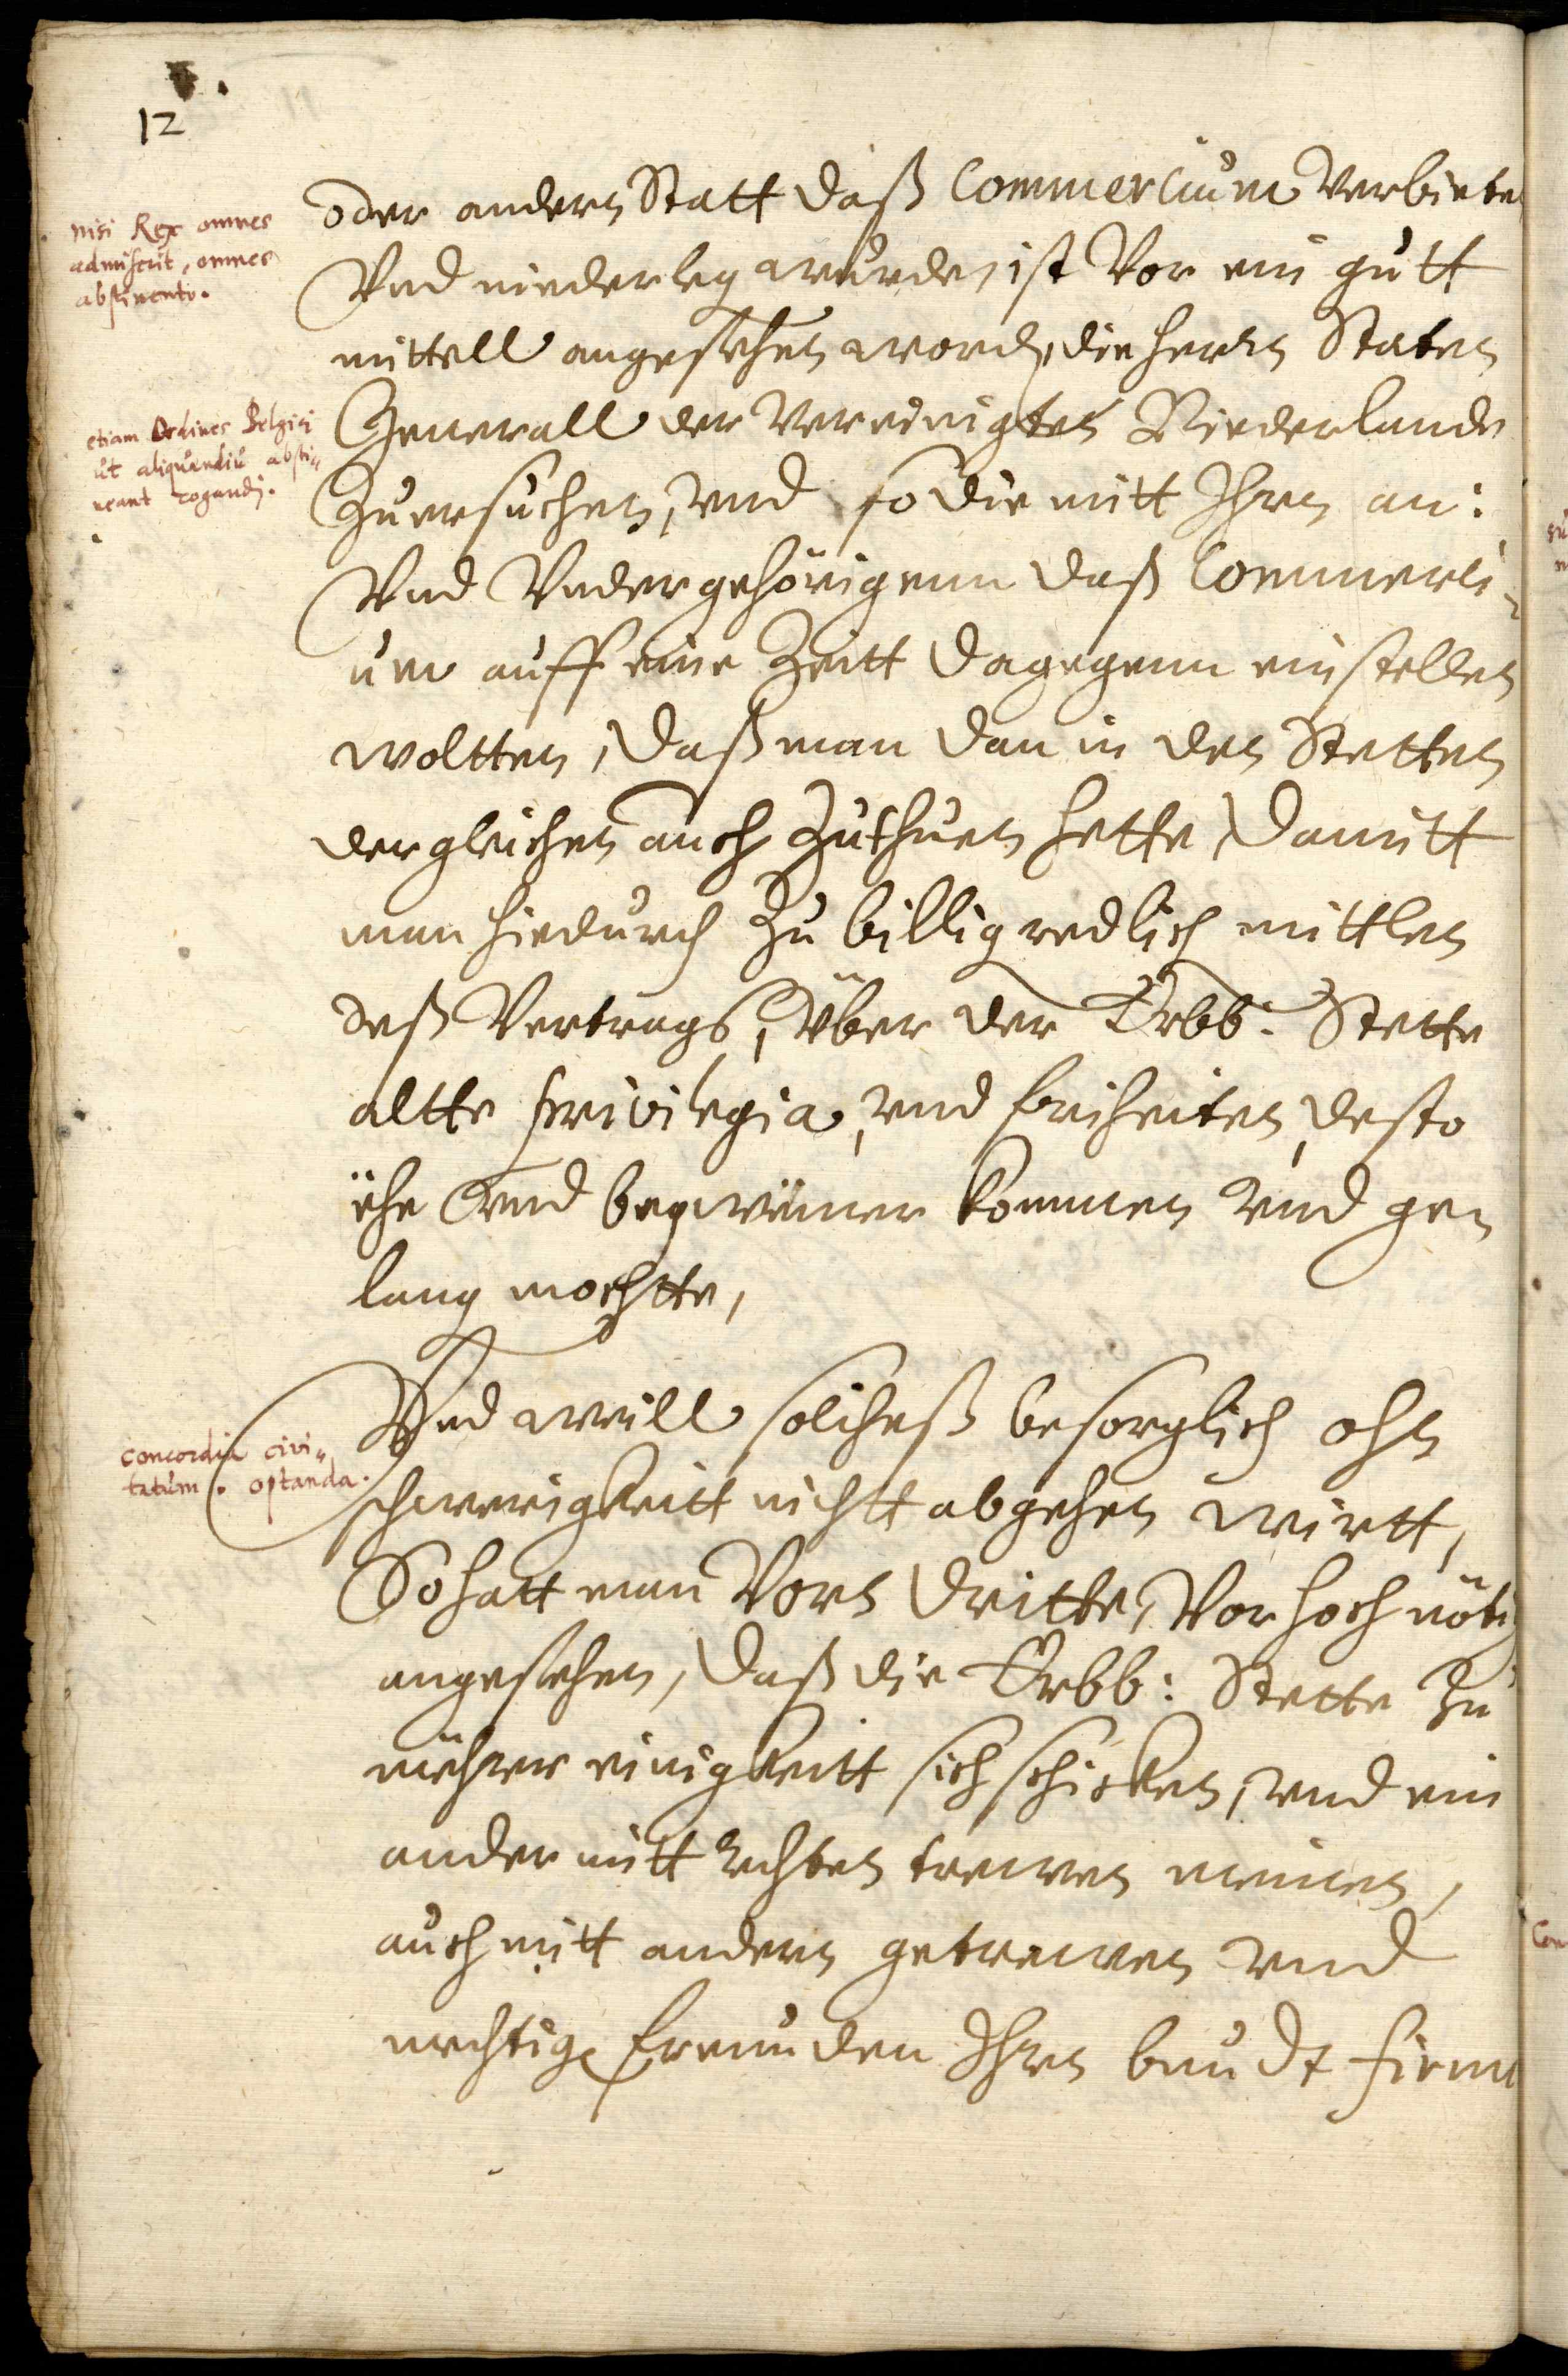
12
nisi Rex ommes
admiserit omnes
abstinent .
etiam Ordines Belgia
ut aliquendiu absti¬
neant rogandi.
oder andern Statt daß Commercium verbieten
vnd niederlegen wurde, ist vor ein gutt
mittell angesehen worden die herrn Staten
Generall der vereinigten Niederlande
zu ersuchen, vnd so die mitt Ihren an¬
Vnd Vndergehörigenn daß Commerci¬
um auff eine Zeitt dagegenn einstellen
woltten, daß man dan in den Stetten
dergleichen auch zuthuen hette, damitt
man hiedurch zu billigen redlichen mittlen
deß Vertrags, vber der Erbb: Stette
altte privilegia, vnd friheiten, desto
ëhe vnd beqwëmer kommen vnd ge¬
langen mochtte,
concordia civi¬
tatum. ostanda.
Vnd weill solcheß besorglich ohn
schwerigkeitt nichtt abgehen wirtt,
So hatt man Vors Dritte, Vor hoch nötig
angesehen, Daß die Erbb: Stette zu
mehrer einigkeitt sich schicken, vnd ein
ander mitt achten trewen meinen,
auch mit andern getrewen vnd
mechtigen freunden Ihren bundt firmi
